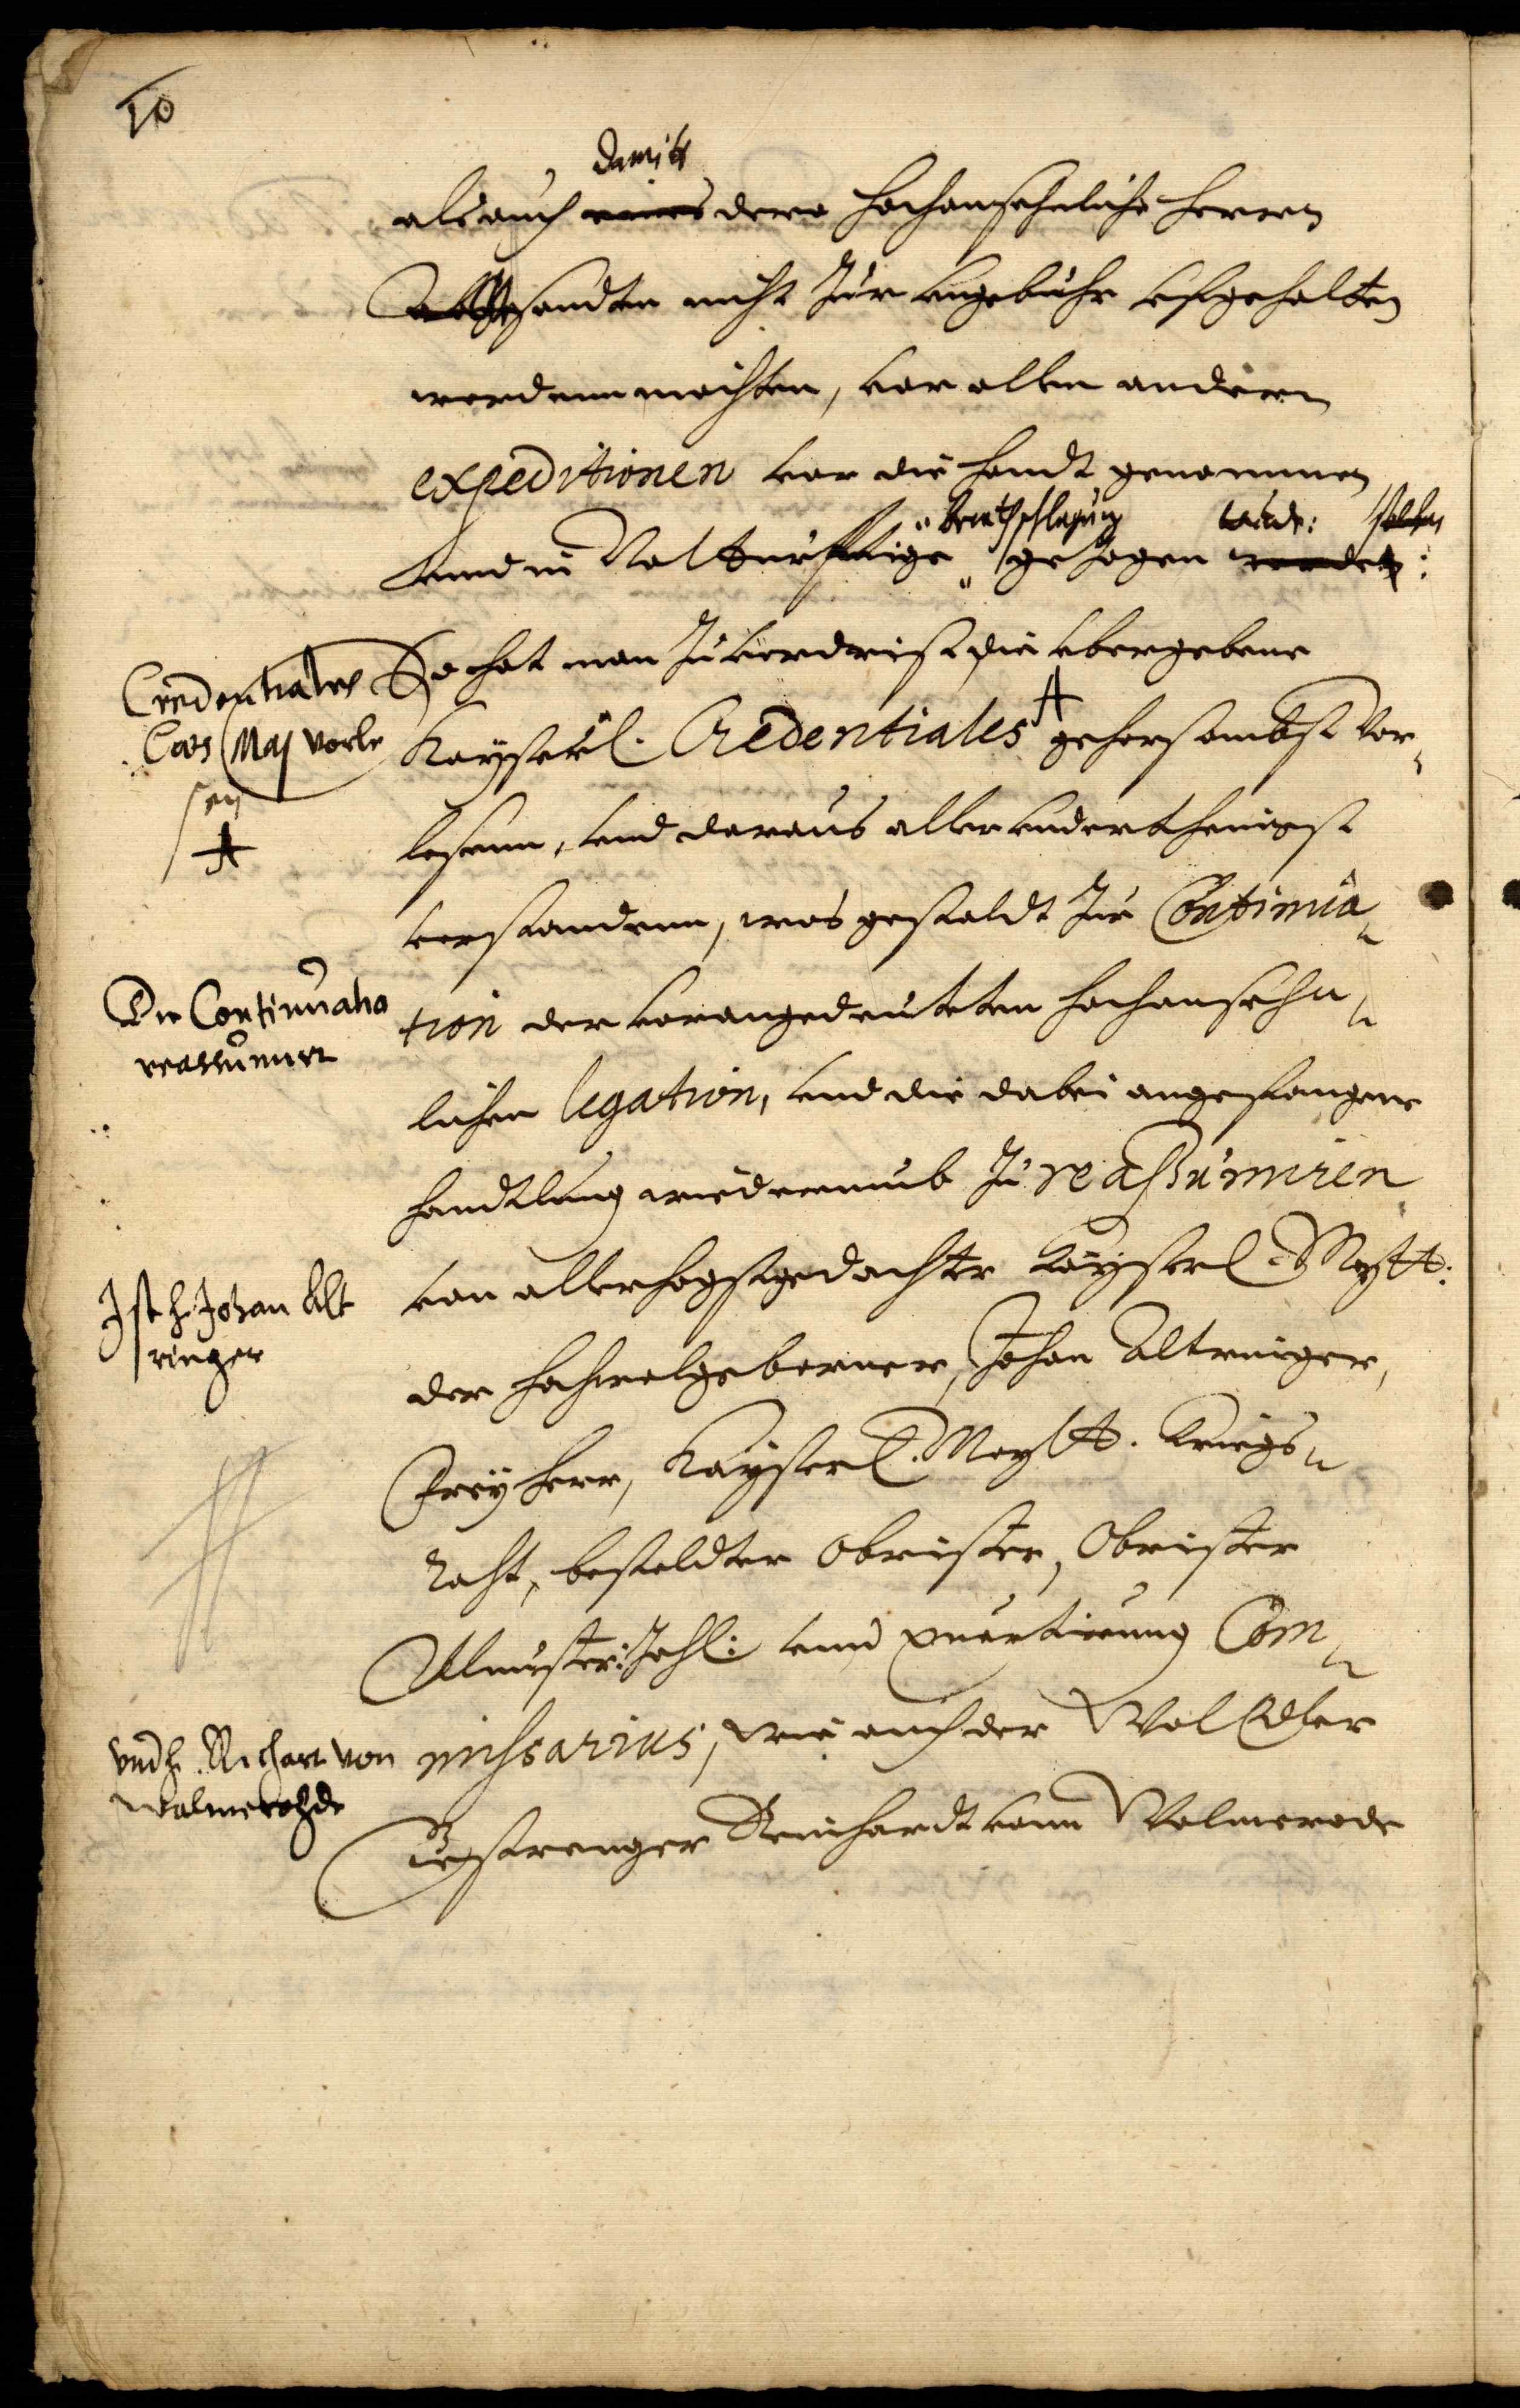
10
Credentiales
Cay Maj vorle
sen
A
Die Continuatio
reassumirt
Ist h. Johan Alt
ringer
vnd h. Richart von
Walmerohde
damitt
als auch eines dero hochansehnliche herrn
AbGesandten nicht zur vngebuhr vfgehalten
werdenn mochten, vor allen andern
expeditionen vor die handt genommen,
" berathschlagung vndt: solchen
vnnd in Notturftige" gezogen wurde:
So hat man zu vordrist die vbergebene
Kaijserl. Credentiales A gehorsambst vor¬
lesenn, vnd daraus aller vnderthenigst
verstandenn, was gestaldt zur Continua¬
tion der vorangedeuteten hochansehn¬
lichen legation, vnd die dabei angefangene
handtlung wiederumb zu reaszumiren
von allerhogstgeachter Kaijserl. Majtt:
der hochwolgeborner Johan Altreiger,
Freijherr, Kaijserl. Meitt. Kriegs¬
raht, besteldter Obrister, Obrister
Munster: zahl: vnnd Quartirung Com¬
missarius, wie auch der WolEdler
Gestrenger Reinhardt vonn Walmerode
